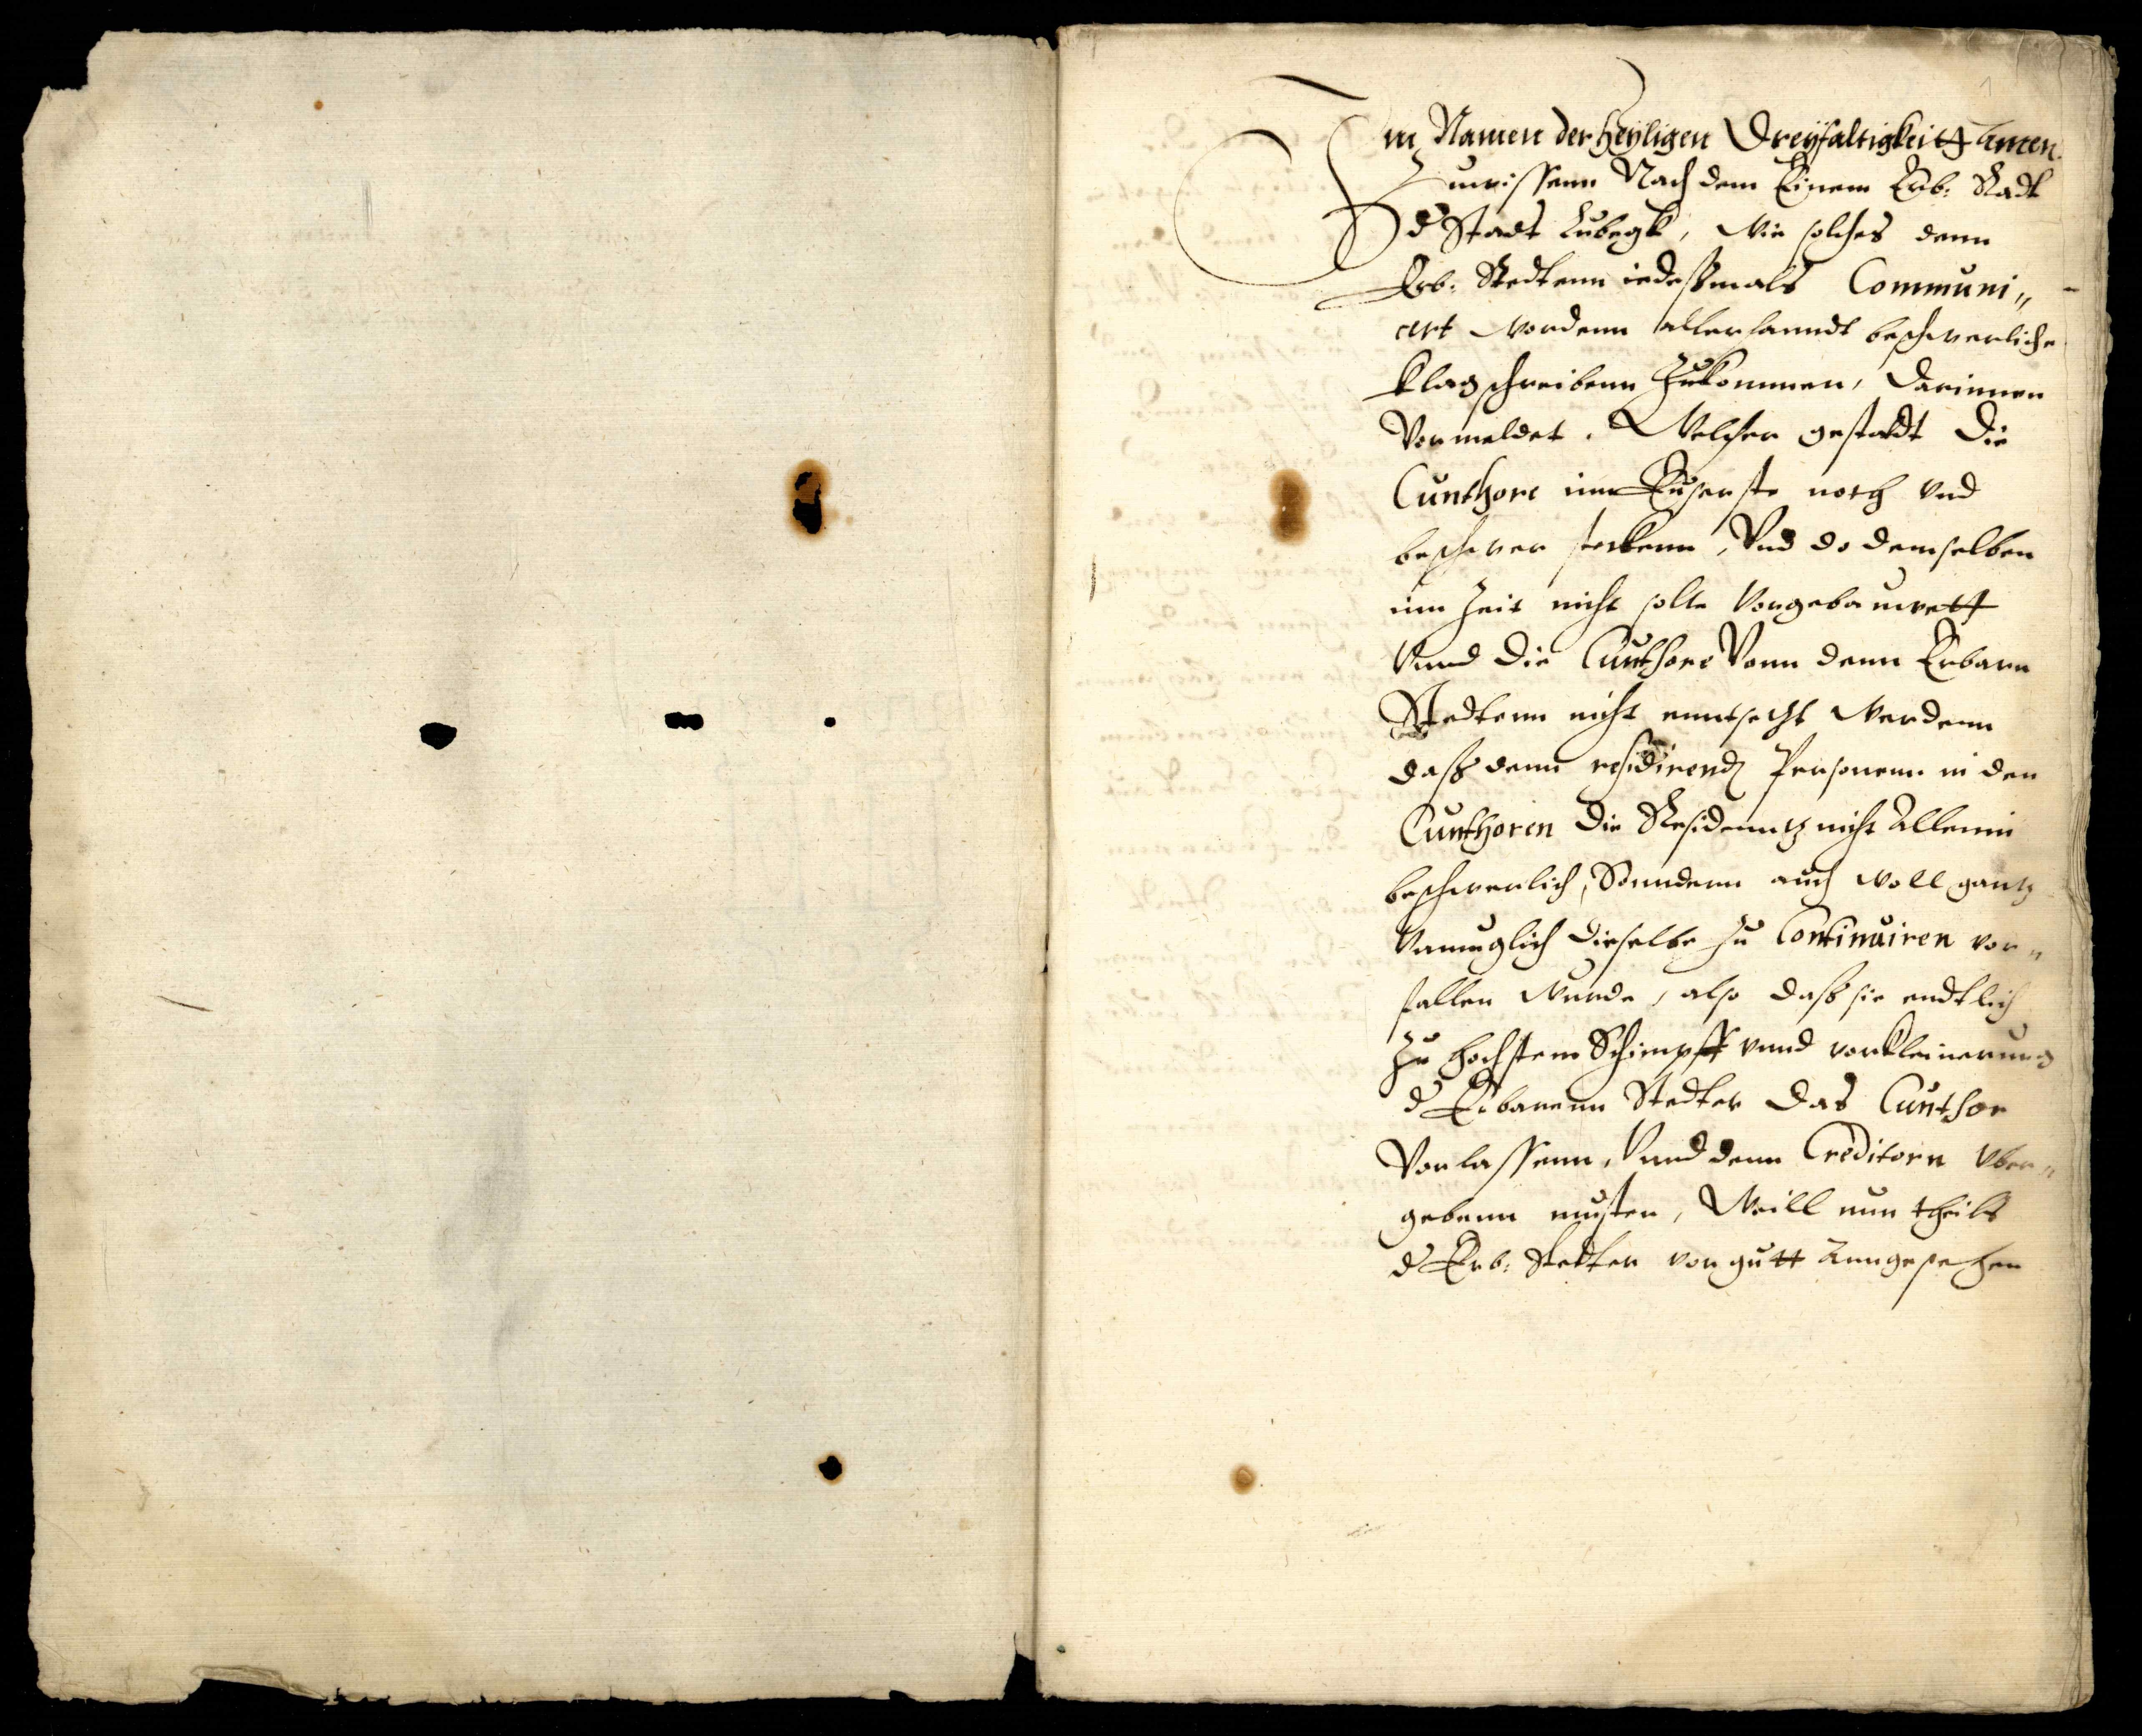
Im Namen der heijligen Dreijfaltigkeitt amen
Zuwissenn Nachdem Einem Erb: Radt
der Stadt Lubegk, wie solches denn
Erb: Stedtenn iedeßmals Communi¬
cert wordenn allerhanndt beschwerliche
Klagschreiben zukommen, darinnen
vermeldet, Welcher gestaldt die
Cunthore inn Euserste noth vnd
beschwer steckenn, Vnd do demselben
inn zeit nicht solte vorgebauwett
vnnd die Cunthore Vonn denn Erbarn
Stedtenn nicht enntsetzt werdenn
daß denn residirenden Personenn in den
Cunthoren die Residenntz nicht alleinn
beschwerlich, Sondern auch voll gantz
Vnmuglich dieselbe zu Continuiren vor¬
fallen wurde, also dass sie endtlich
zu hochstem Schimpff vnnd vorkleinerung
der Erbarenn Stedter das Cunthor
vorlassenn, vnnd denn Creditorn vber¬
gebenn musten, Weill nun theils
der Erb: Stedten von gutt Anngesehen
